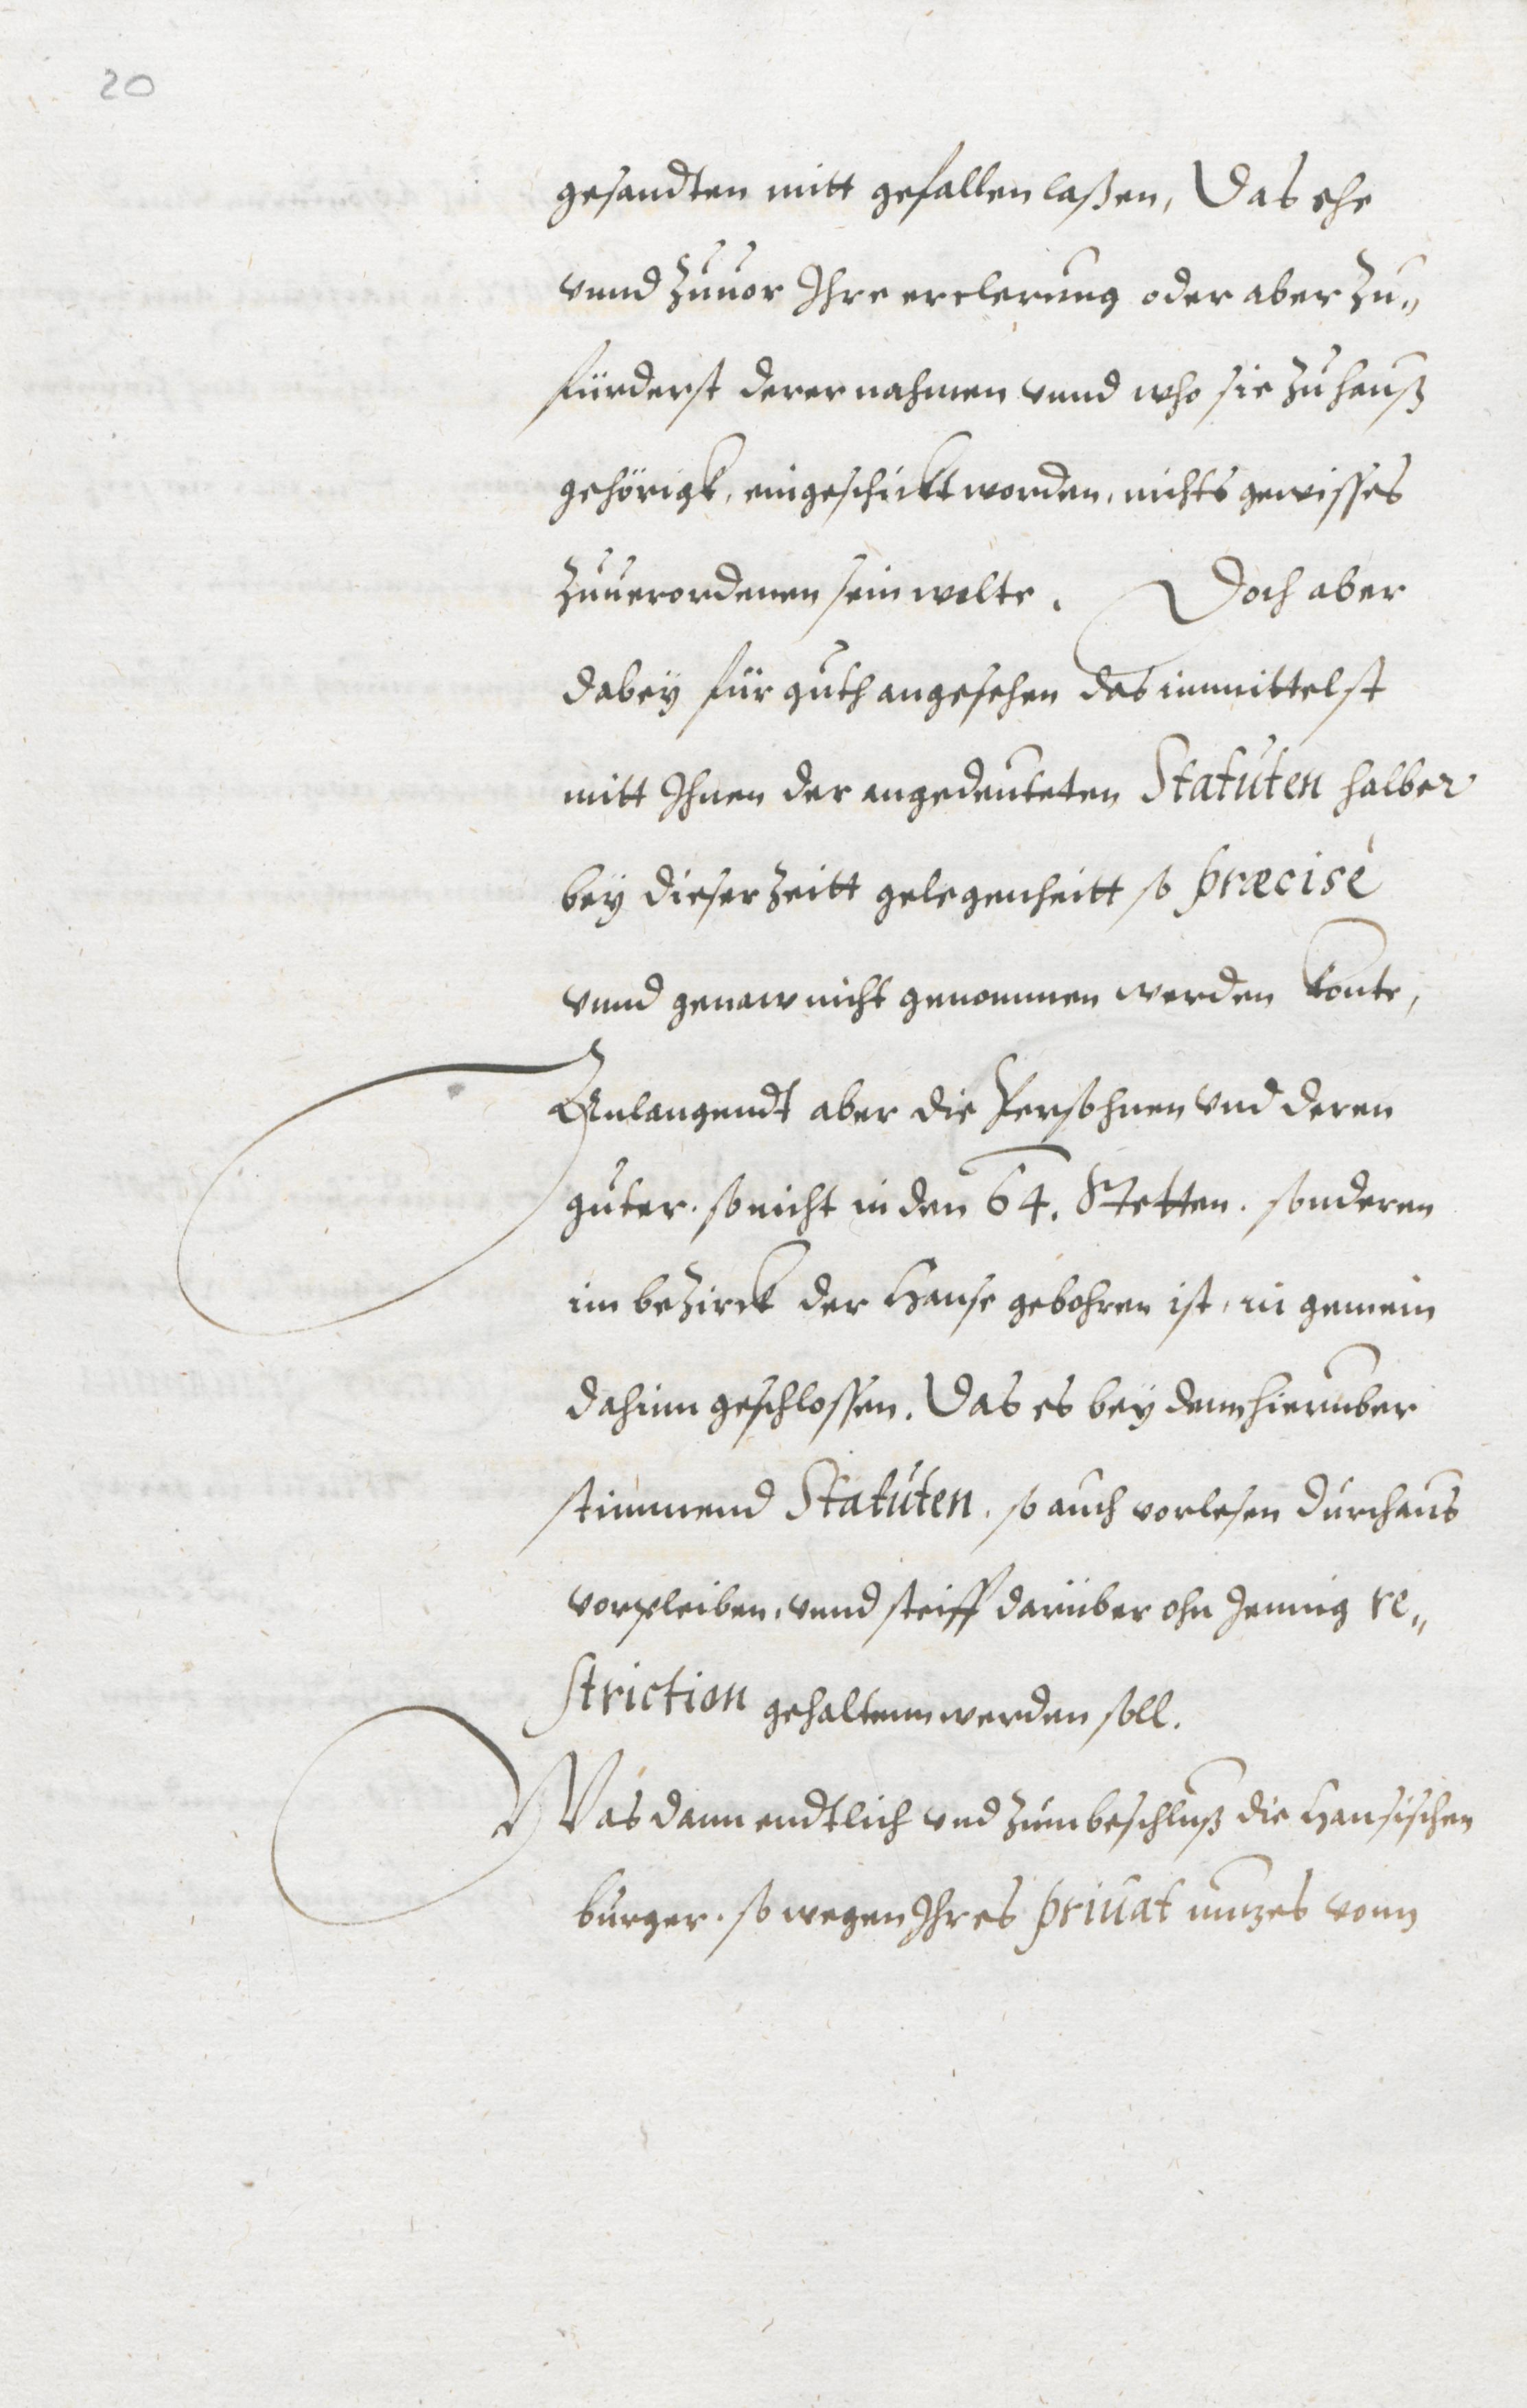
gesandten mitt gefallen laßen, das ehe
vnnd zuuor Ihre erelerung oder aber zu¬
fürderst derer nahmen vnnd who sie zu hauß
gehörigk, eingeschickt worden, nichts gewisses
zuuerordenen sein wolte. Doch aber
dabeij für guth angesehen das inmittelst
mitt Ihnen der angedeuteten Statuten halber
beij dieser zeitt gelegenheitt so praecise
vnnd genaw nicht genommen werden konte,
Anlangendt aber die persohnen vnd deren
guter, so nicht in den 64. Stetten, sonderen
im bezirck der Hanse gebohren ist, in gemein
dahinn geschlossen, das es beij denn hieruber
stimmend Statuten, so auch vorlesen durchaus
vorpleiben, vnnd steiff darüber ohn jennig re¬
striction gehaltenn werden soll.
Was dann endtlich vnd zum beschluß die Hansischen
burger, so wegen Ihres priuat nutzes vonn
